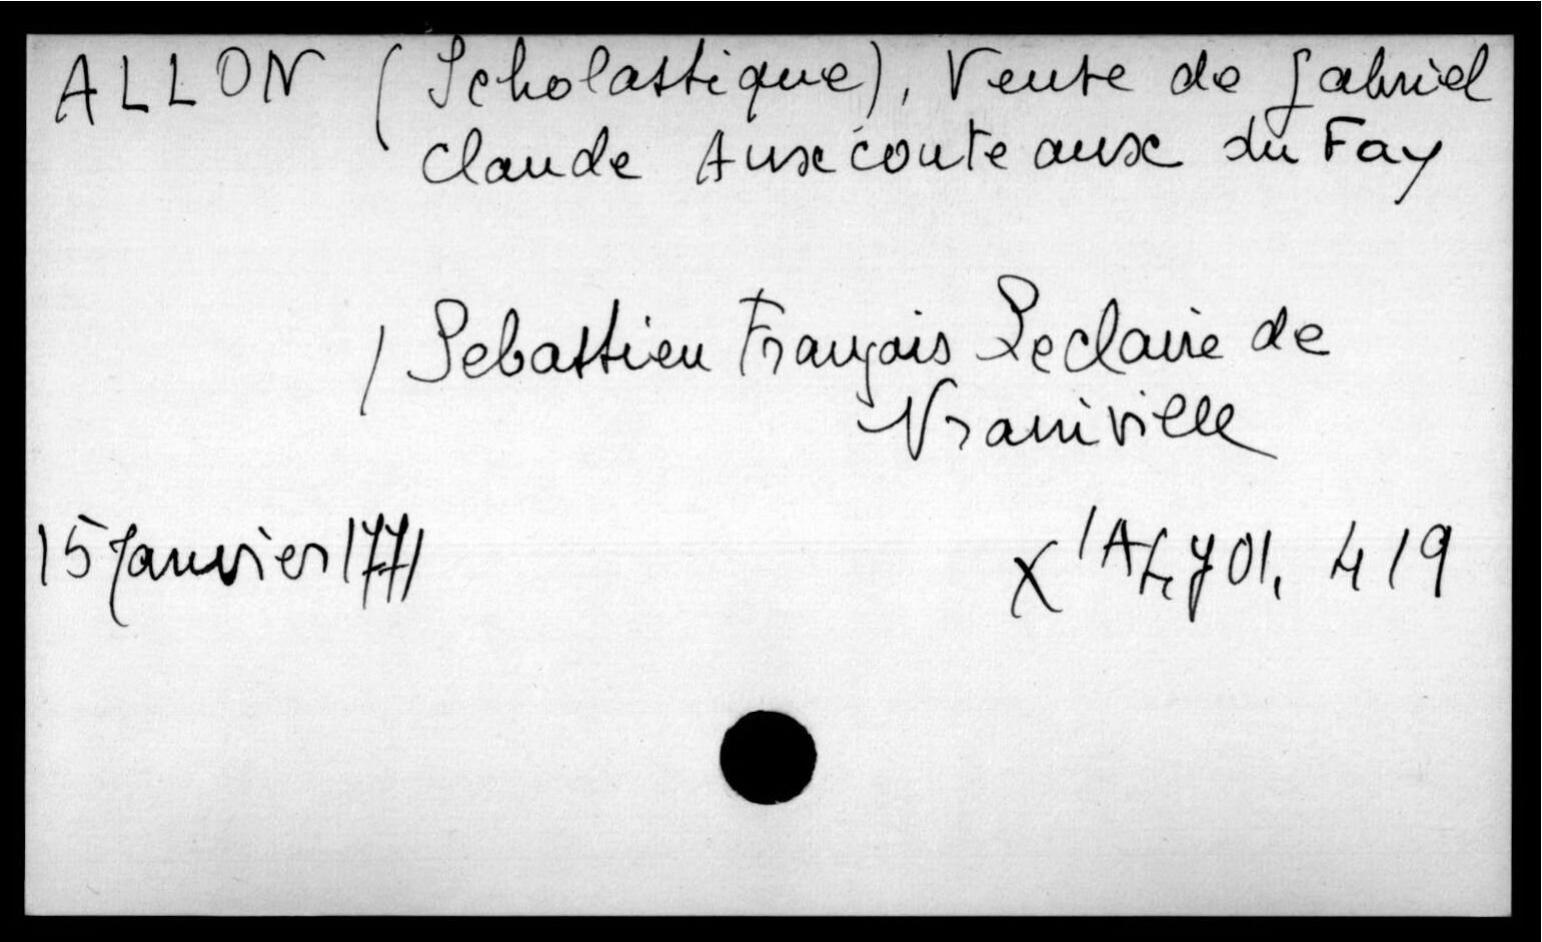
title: ALLON (Scholastique), Veuve de Gabriel Claude Auxcouteaux du Fay
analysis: Contre Sebastien François Leclaire de Vrainville
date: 15 janvier 1771
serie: X1A
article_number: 4701
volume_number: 419
